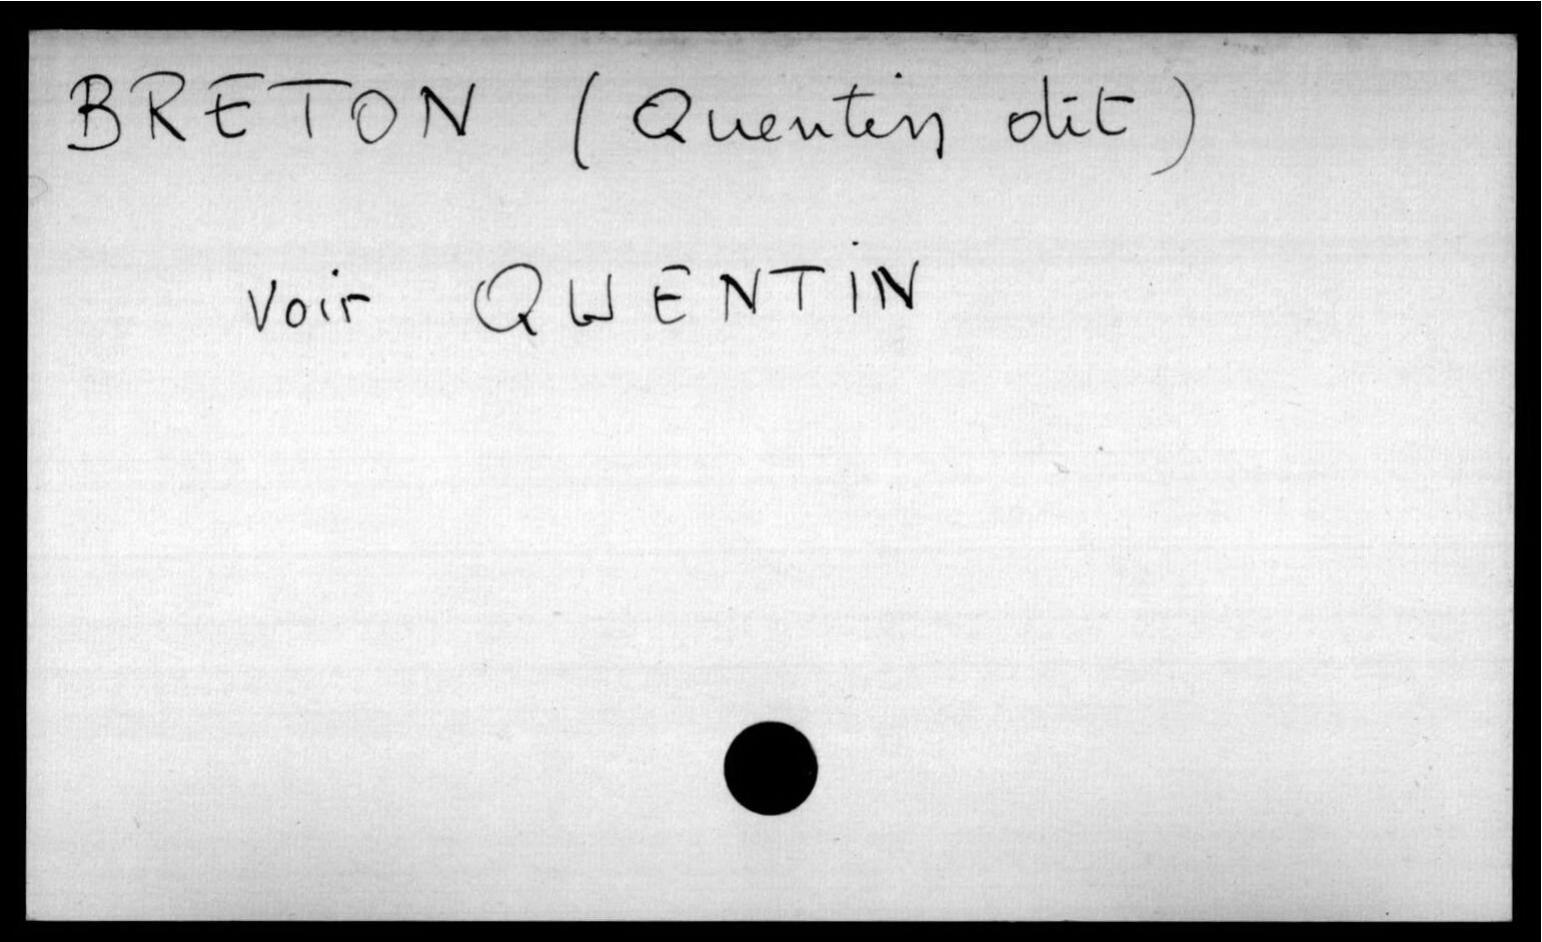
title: BRETON (Quentin dit)
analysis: Voir QUENTIN
